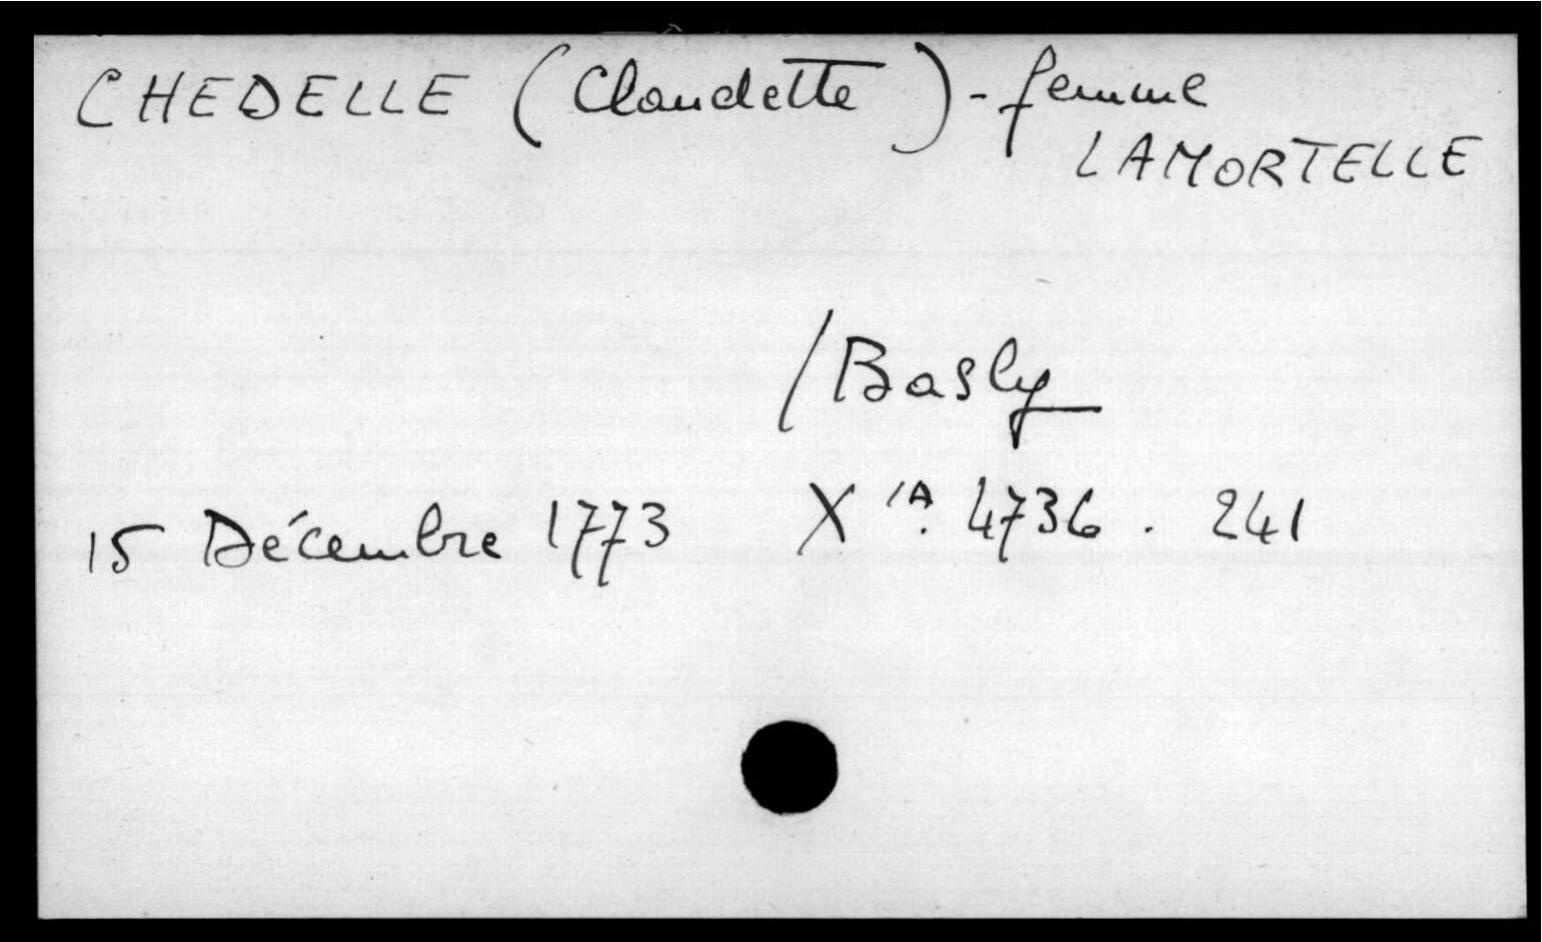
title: CHEDELLE (Claudette), femme LAMORTELLE
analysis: Contre Basly
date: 15 décembre 1773
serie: X1A
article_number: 4736
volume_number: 241
